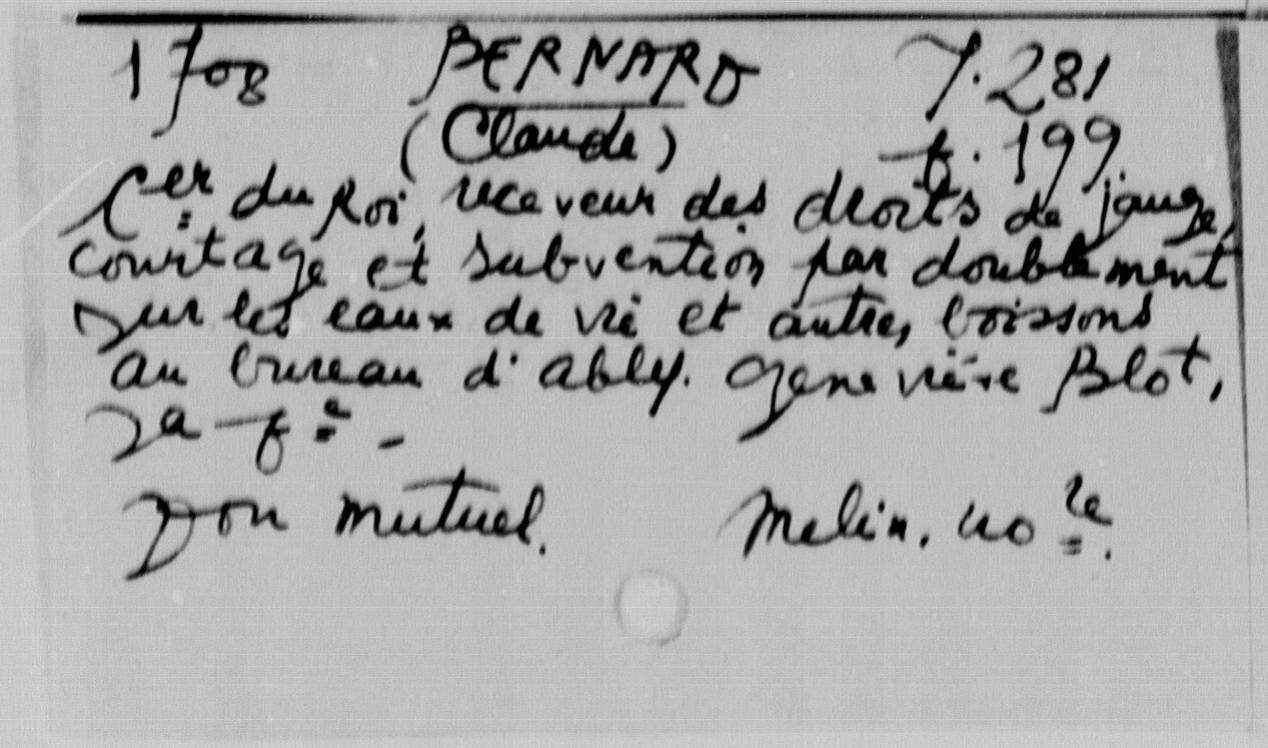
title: BERNARD (Claude)
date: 1708
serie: Y
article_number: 281
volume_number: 199
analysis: Conseiller du roi, receveur des droits de jauge, courtage et subvention par doublement, sur les eaux de vie et autres boissons au bureau d'Ably. Geneviève Blot, sa femme. Don mutuel. Melin, notaire.
